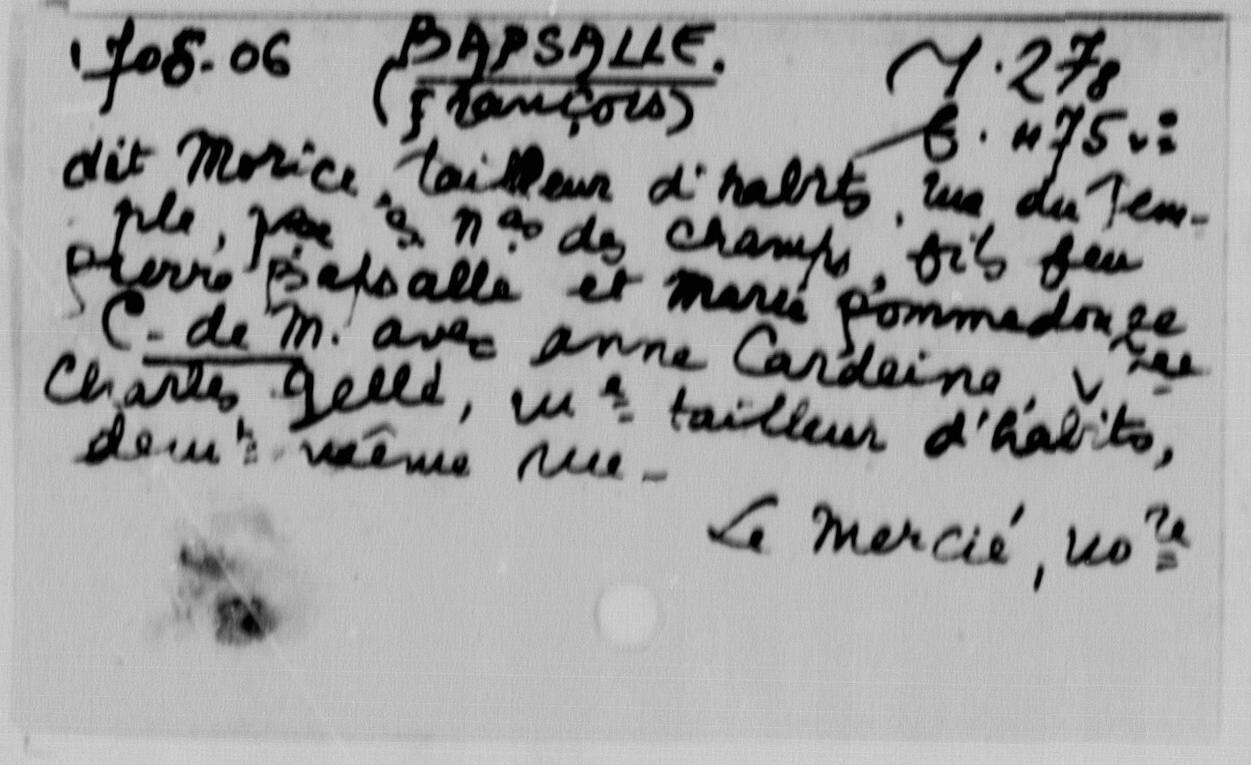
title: BAPSALLE (François)
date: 1705-1706
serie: Y
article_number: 278
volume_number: folio 475v
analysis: Dit Morice, tailleur d'habits, rue du Tempe, paroisse Saint-Nicolas-des-Champs, fils feu Pierre BAPSALLE et Marie Pommedouze Contrat de mariage avec Anne Cardeine, veuve Charles Gellé, maître tailleur d'habits, demeurant même rue Le Mercié, notaire
